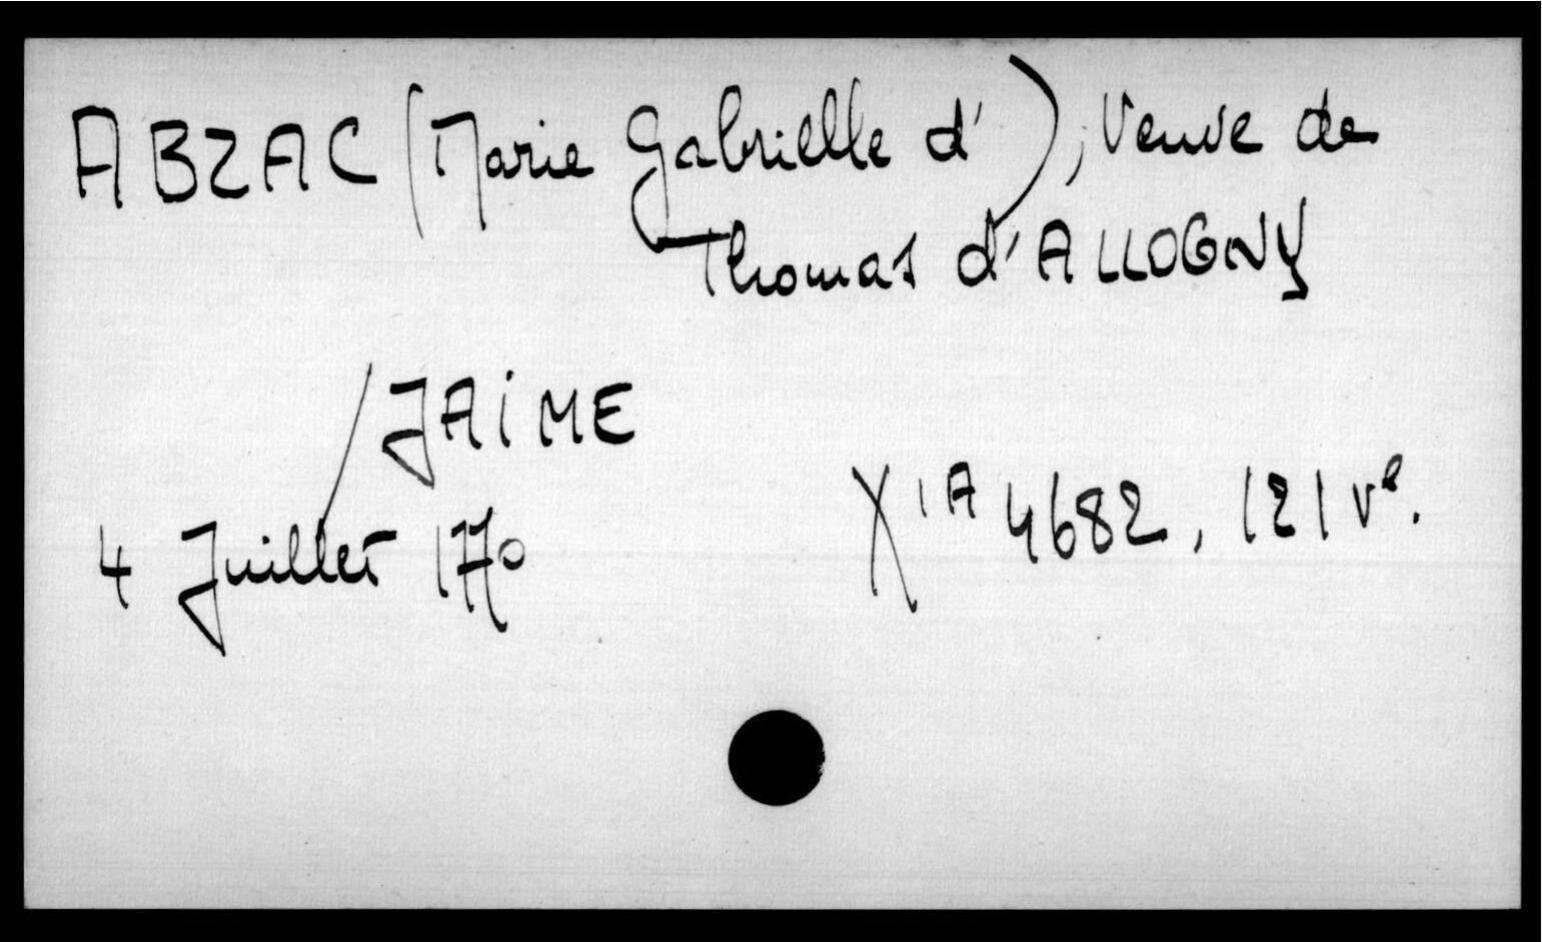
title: ABZAC (Marie Gabrielle d'), Veuve de Thomas d'ALLOGNY
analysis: Contre JAIME
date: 4 juillet 1770
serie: X1A
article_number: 4682
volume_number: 121v
